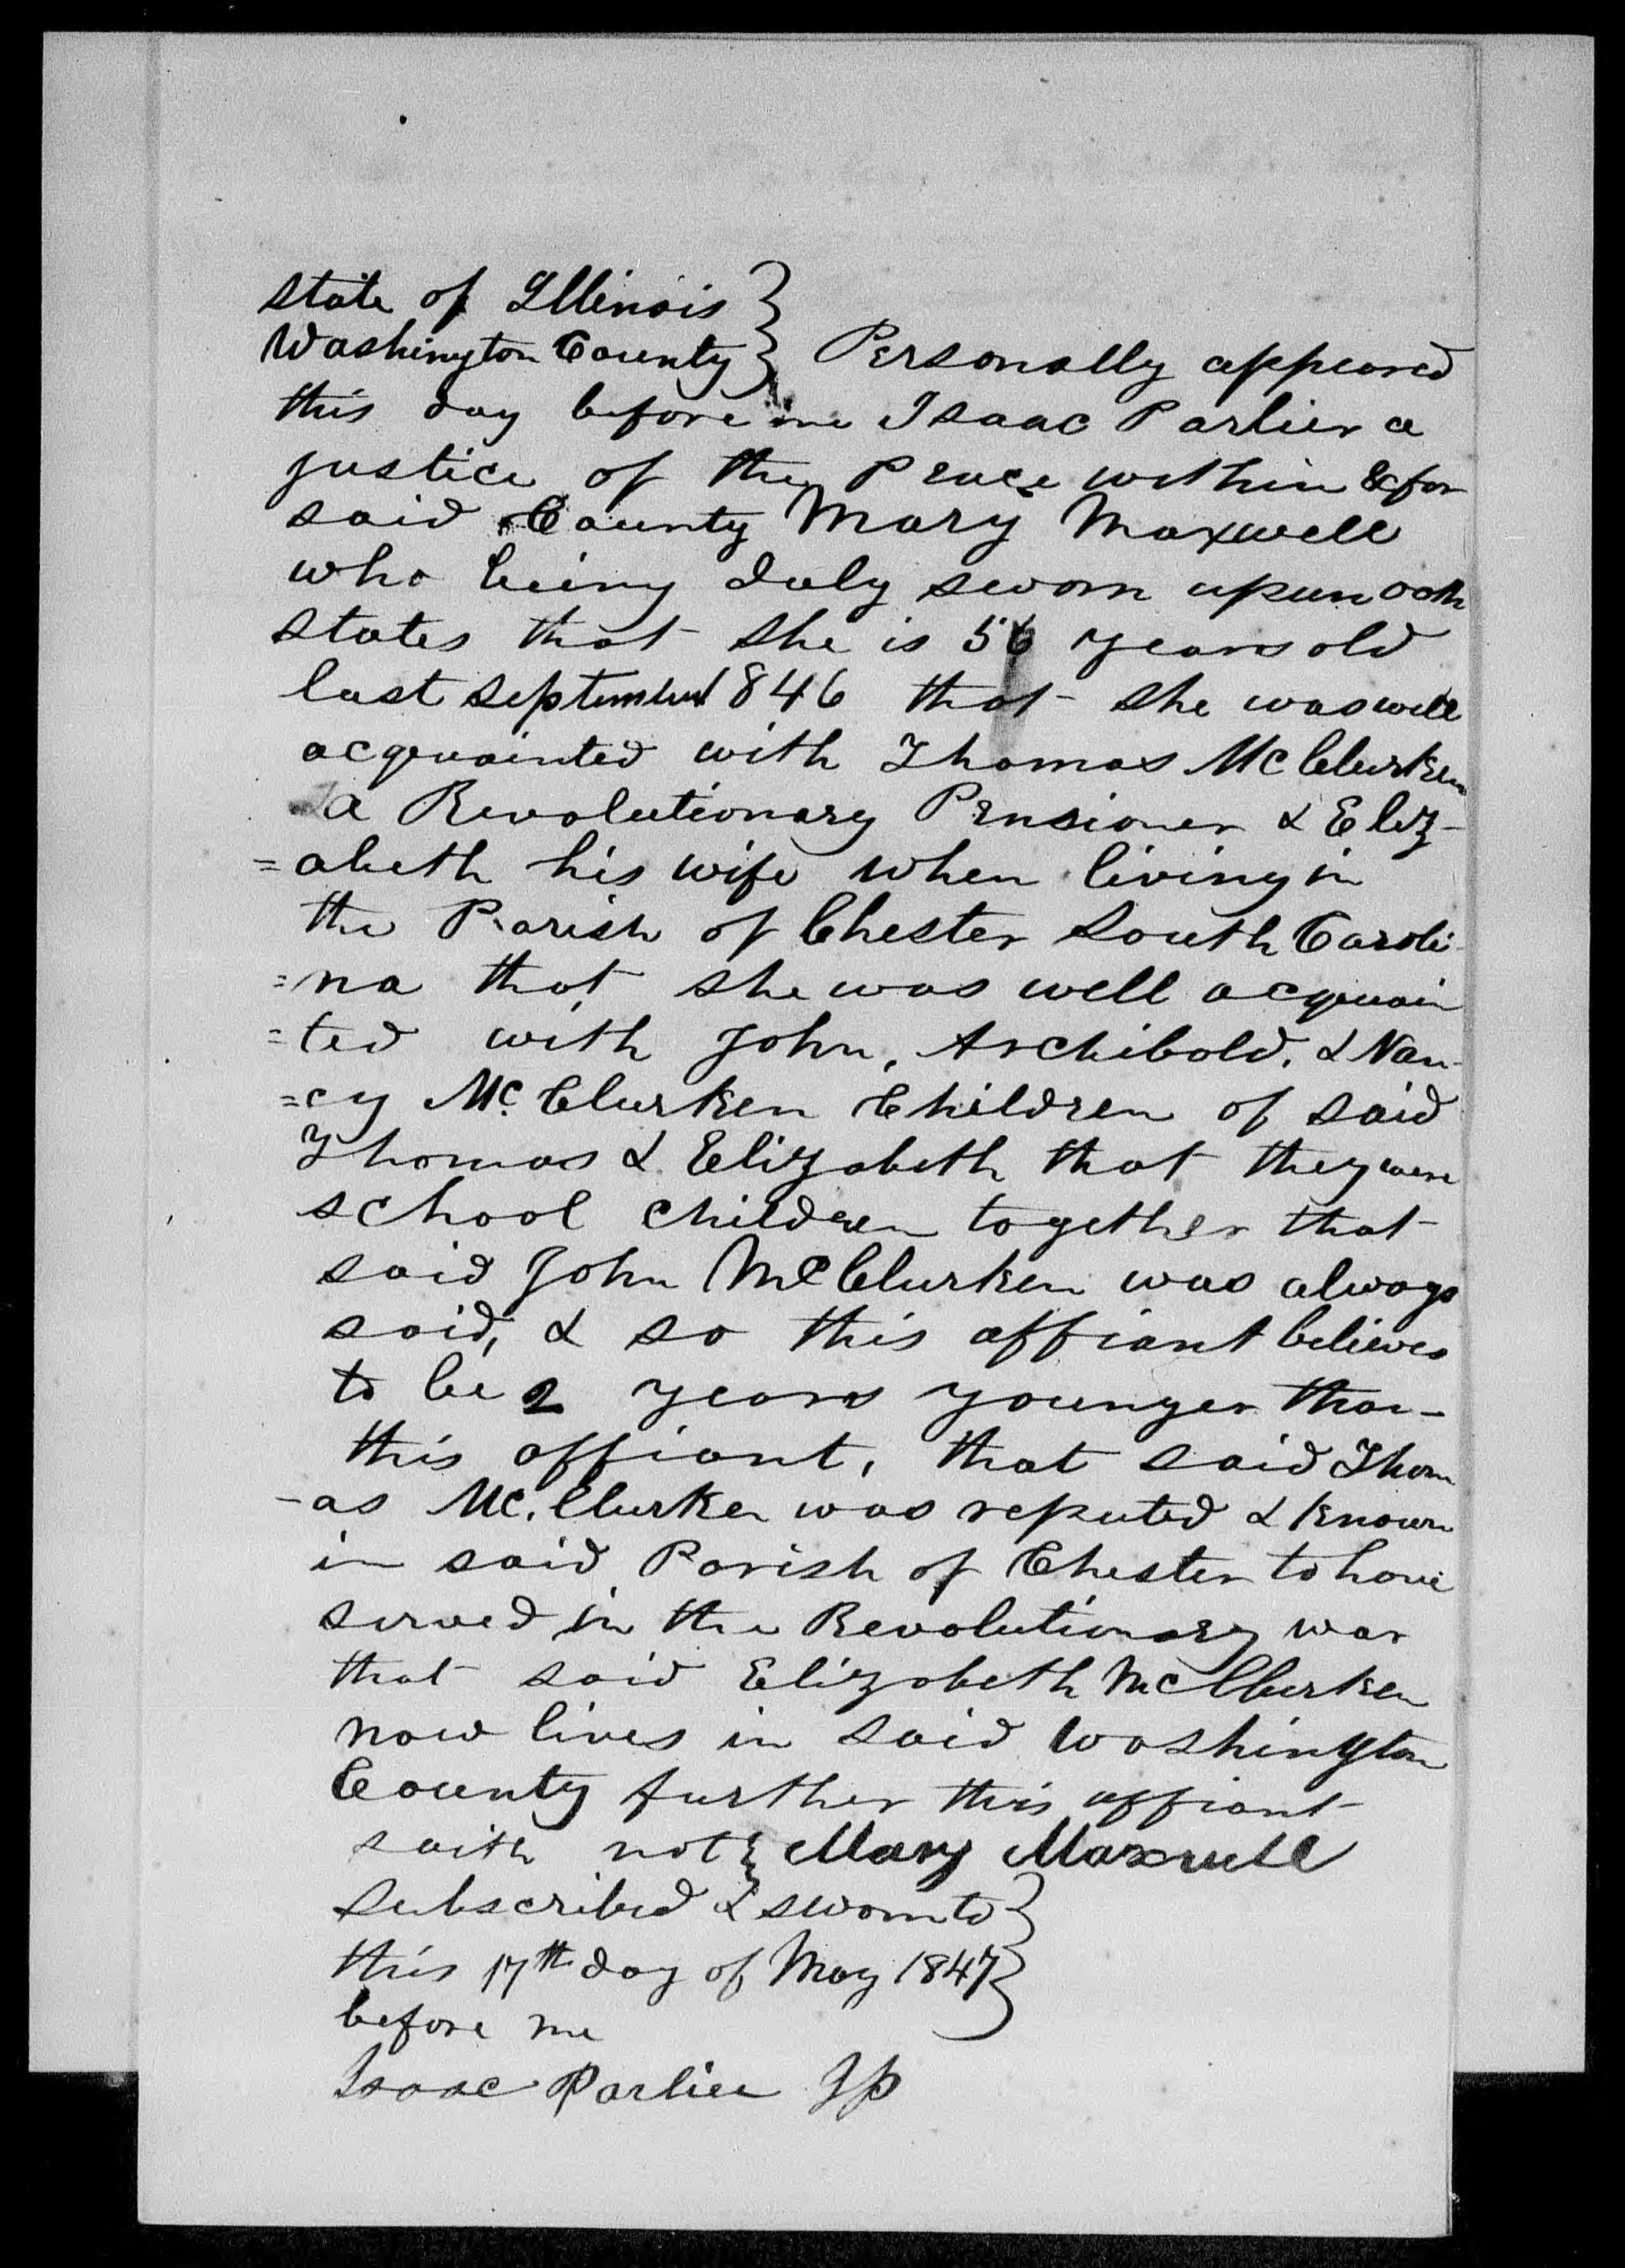State of Illinois} 
Washington County}

Personally appeared this day before me Isaac Parlier a justice of the Peace within & for said County Mary Maxwell who being duly sworn upon oath states that she is 56 years old last September 1846 that she was well acquainted with Thomas McClurken a Revolutionary Pensioner & Elizabeth his wife when living in the Parish of Chester South Carolina that she was well acquainted with John, Archibald, & Nancy McClurken Children of said Thomas & Elizabeth that they were school children together that said John McClurken was always said, & so this affiant believes to be 2 years younger than this affiant, that said Thomas McClurken was reputed & known in said Parish of Chester to have served in the Revolutionary war that said Elizabeth McClurken now lives in said Washington County further this affiant saith not  
Mary Maxwell 

Subscribed & sworn to ⎬ 
this 17th day of May 1847} 
before me} 

Isaac Parlier J.P.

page: 48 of 93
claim: widow's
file: W. 21792, for Thomas Mc Clurken, South Carolina